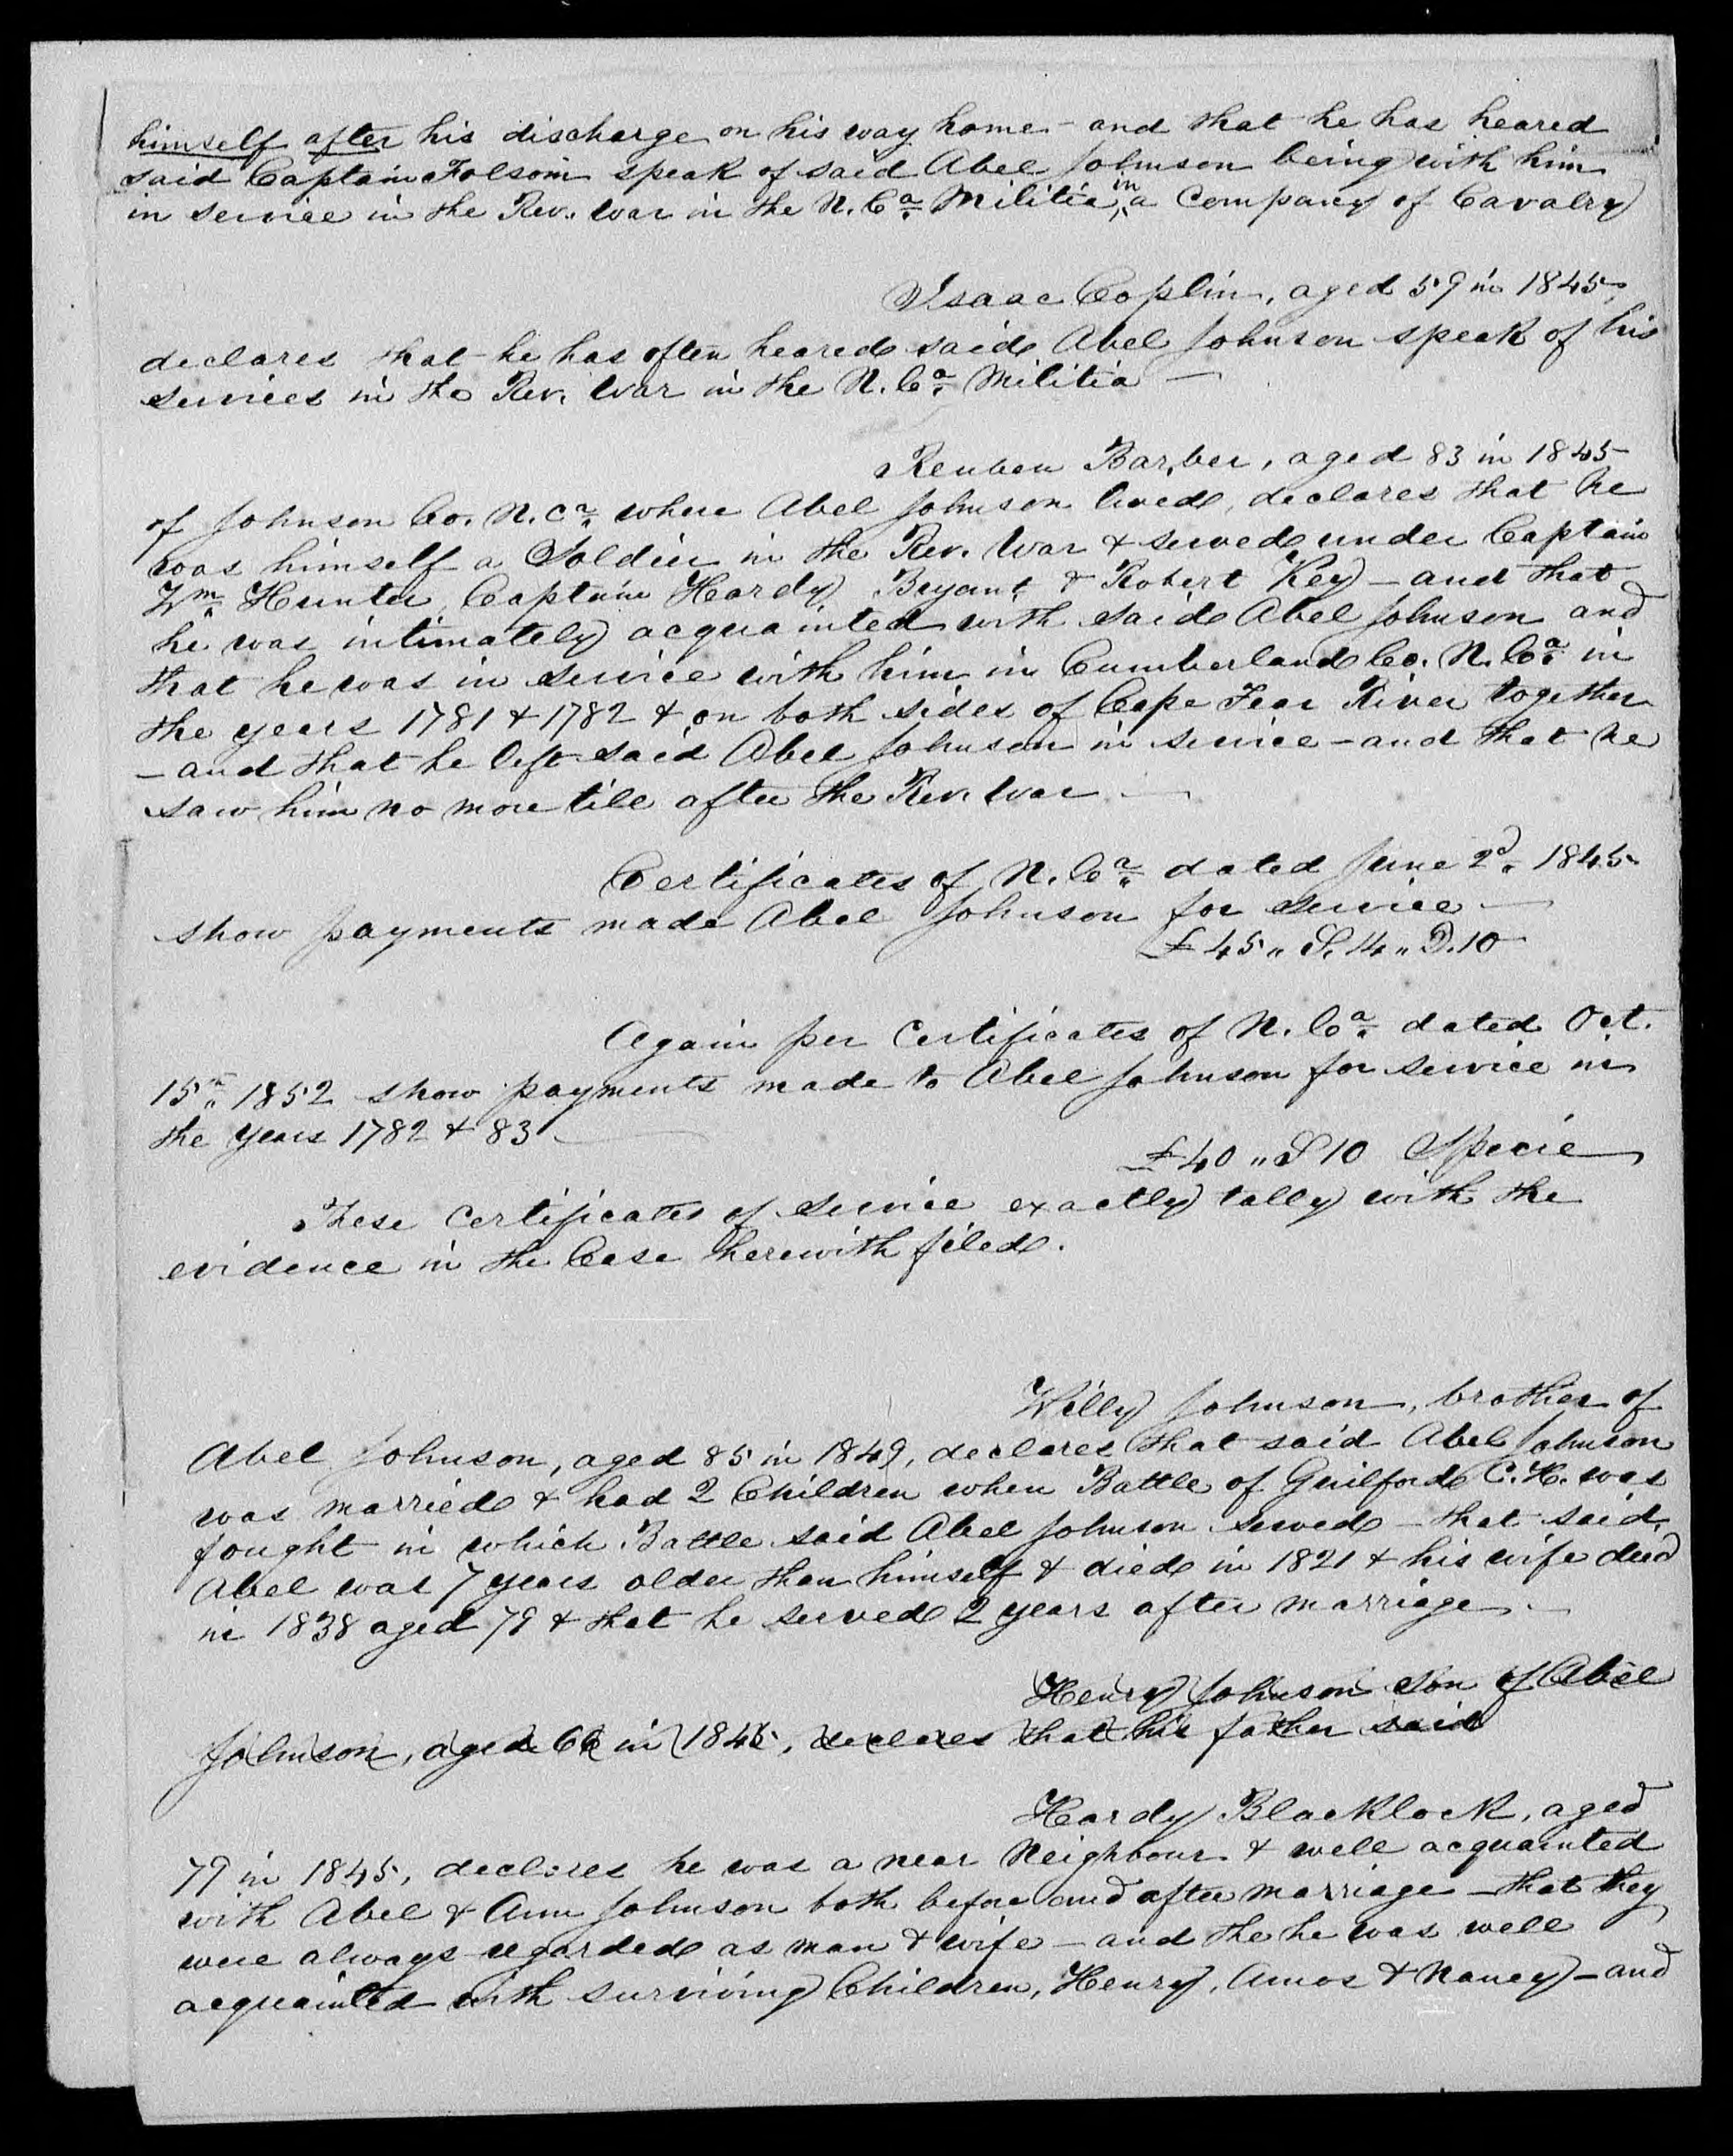Himself after his discharge on his way home - and that he has heared said Captain Folsom speak of said Abel Johnson being with him in service in the Rev. War in the N. Ca. Militia in a company of Cavalry.     
Issac Coplin aged 59 in 1845, declared that he has often heard said Abel Johnson speak of his service in the Rev. War in the N. Ca. Militia -     
Reuben Barber, aged 83 in 1845, of Johnston Co. N. Ca. where Abel Johnson lived declares that he was himself a Soldier in the Rev. War and served under Captains William Hunter and Captains Heardy Bryant and Robert Key - and that he was intimately acquainted with said Abel Johnson and that he was in service with him in Cumberland Co. N. Ca. in the years 1781 and 1782 and on both sides of Cape Fear River together - and that he left said Abel Johnson in service - and that he saw him no more after the Rev. War ---   
Certificates of N. Ca. dated June 2nd, 1846 show payments made Abel Johnson for service -  £45 Pounds, 14 Shillings, 10 Pence.      
Again per certificates of N. Ca. dated June 15, 1852 show payments made to Abel Johnson for service in the years 1782 and 1783. - £40 Pounds and 10 Shillings Specie      
These certificates of service exactly tally with the evidence in the case herewith filed.     Willy Johnson, brother of Abel Johnson, aged 85 in 1849, declared that said Abel Johnson was married and had 2 children when Battle of Guilford C. H. [Courthouse] was fought in which Battle said Abel Johnson served  - That said Abel was 7 years older than himself and died in 1821 and his wife died in 1838 aged 78 and that he served 2 years after marriage -       Hardy Blacklock, aged 79 in 1845, declared he was near Neighbor and well-acquainted with Abel and Ann Johnson both before and after marriage - That they were always regarded as man and wife - and that he was well-acquainted with surviving children, Henry, Amos and Nancy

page: 43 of 74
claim: rejected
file: R. 5600, for Abel Johnson, North Carolina